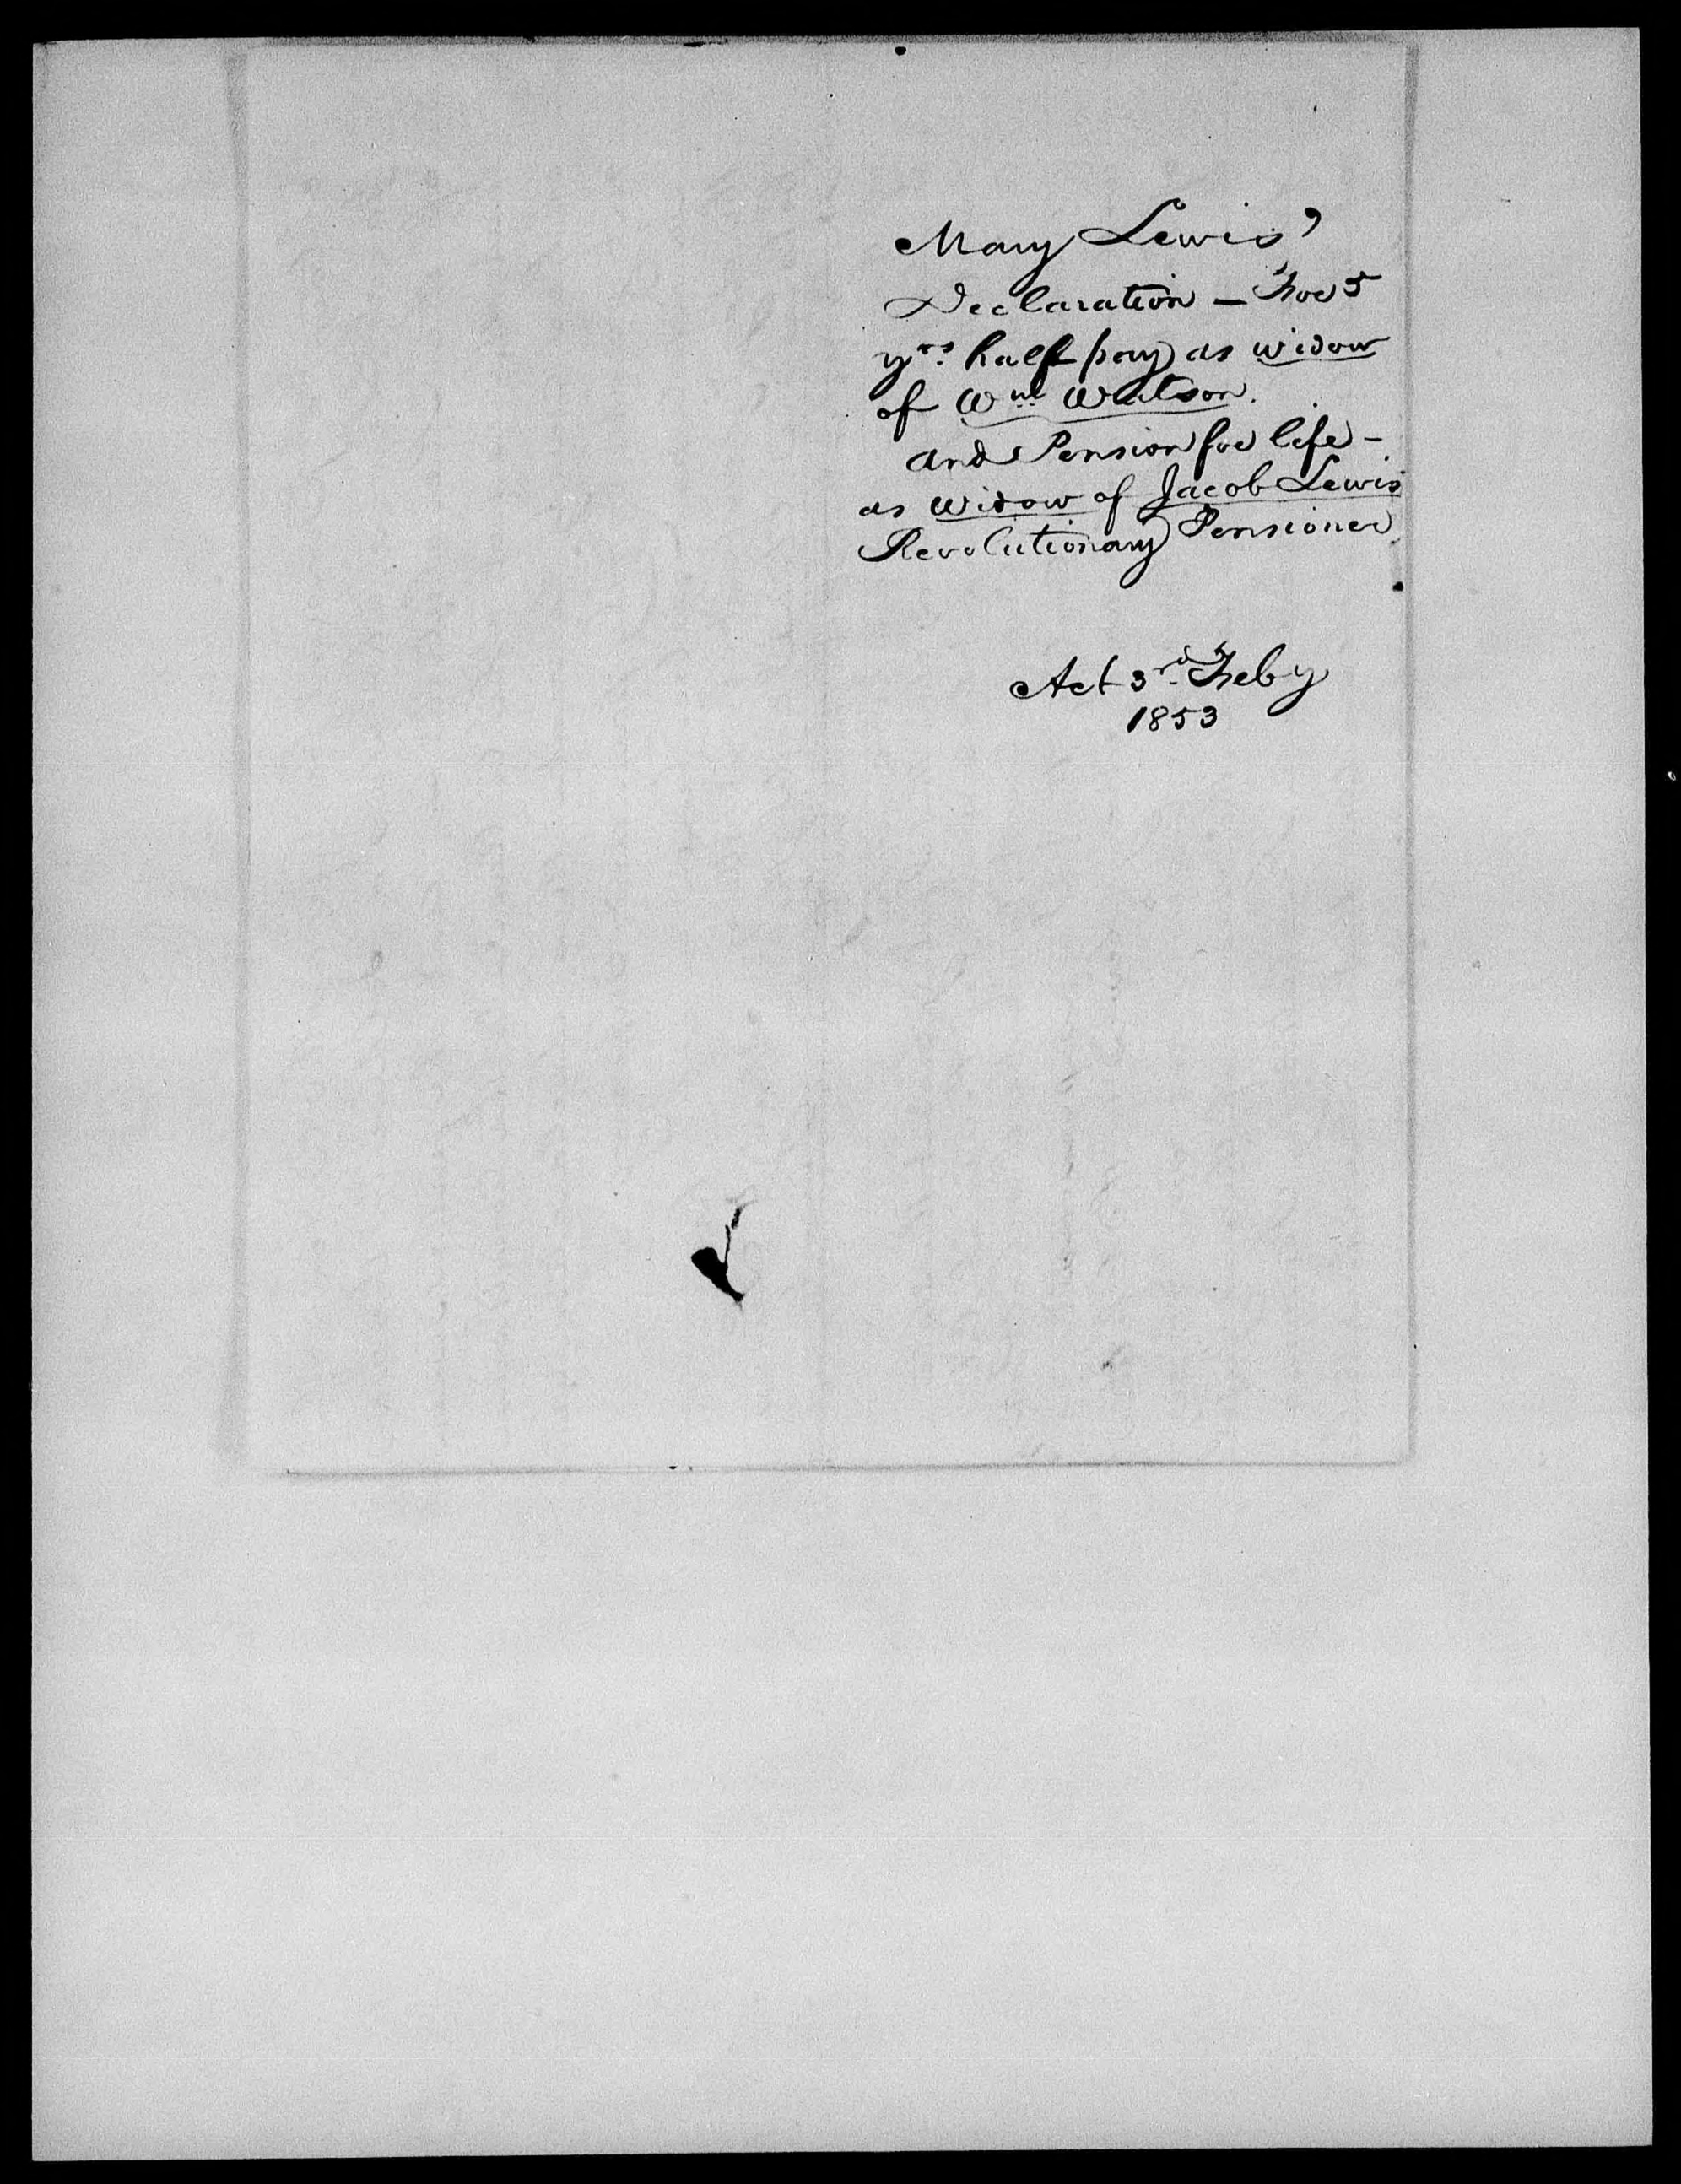Mary Lewis' Declaration - For 5 yrs half pay as widow of Wm. Watson. and pension for life - as widow of Jacob Lewis Revolutionary Pensioner

Act 3rd Feby 1853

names: Mary Lewis; Wm Watson; Jacob Lewis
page: 4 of 69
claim: widow's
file: W 8044, for Jacob Lewis, Virginia